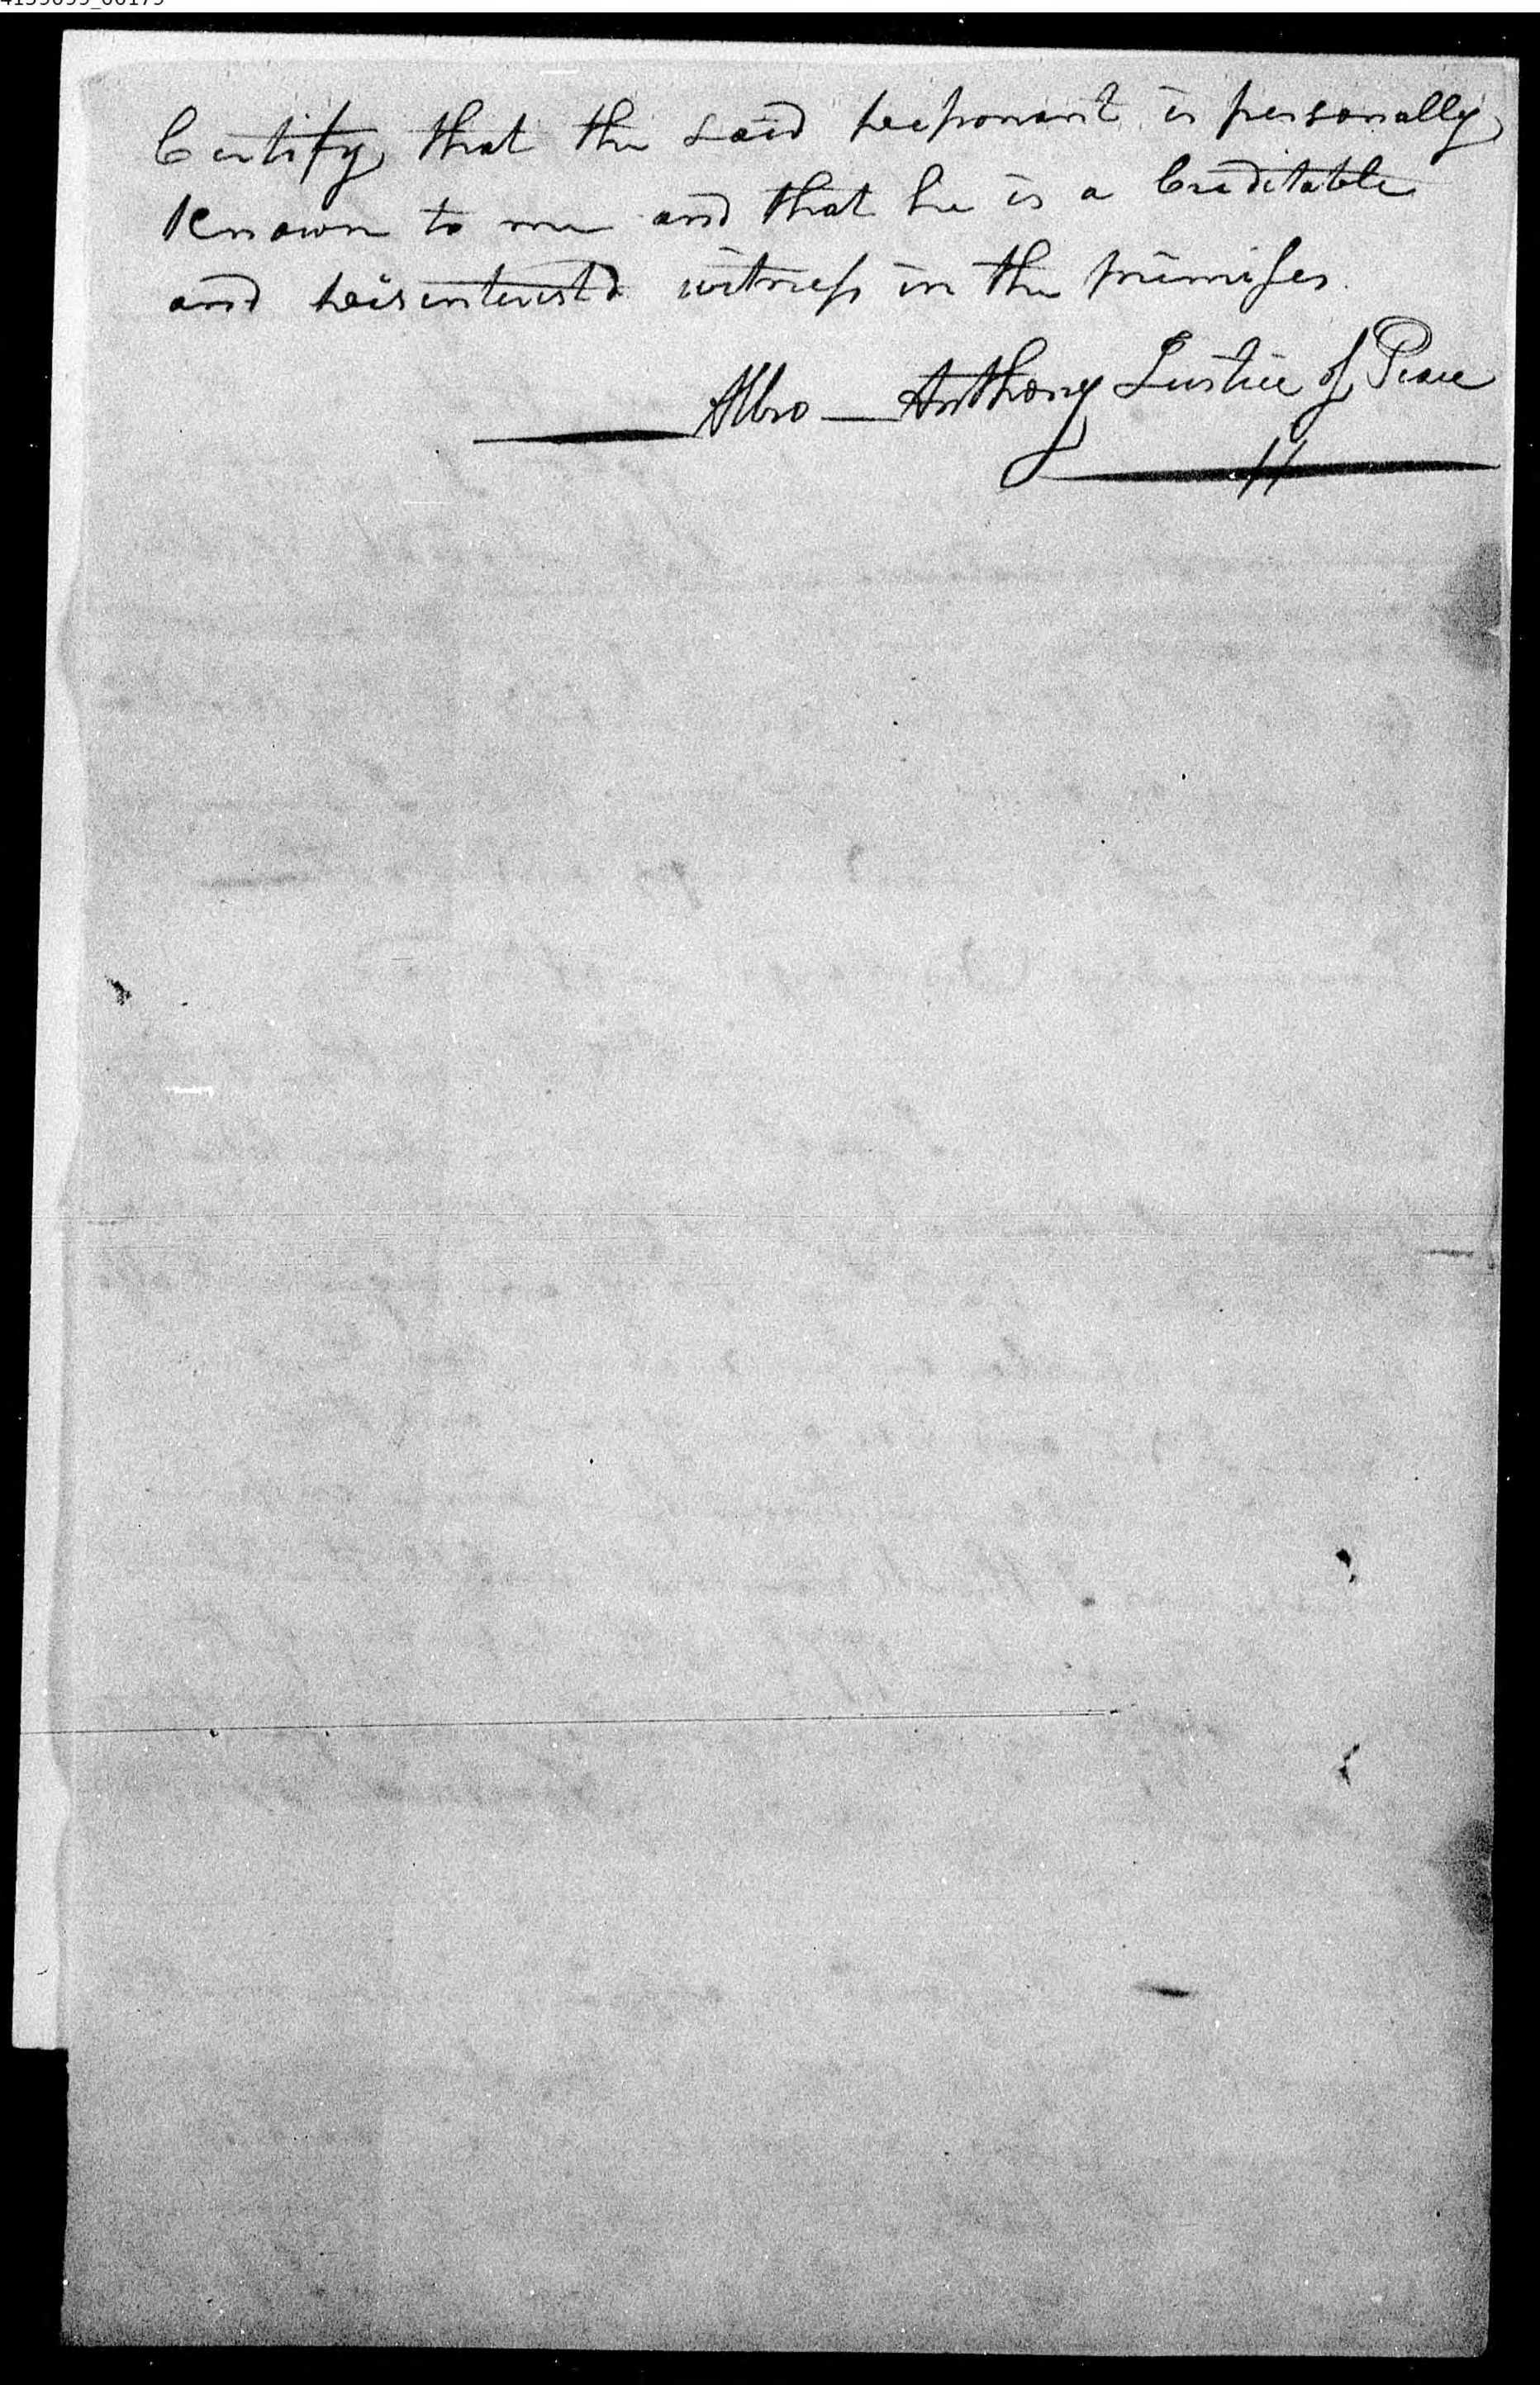Certify that the said informant is personally known to me and that he is a creditable and disinterested witness in the principles.
- Albro - Anthony Justice of Peace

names: Albro Anthony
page: 7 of 20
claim: survivor's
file: S. 38755, Charles Greene, R.I.